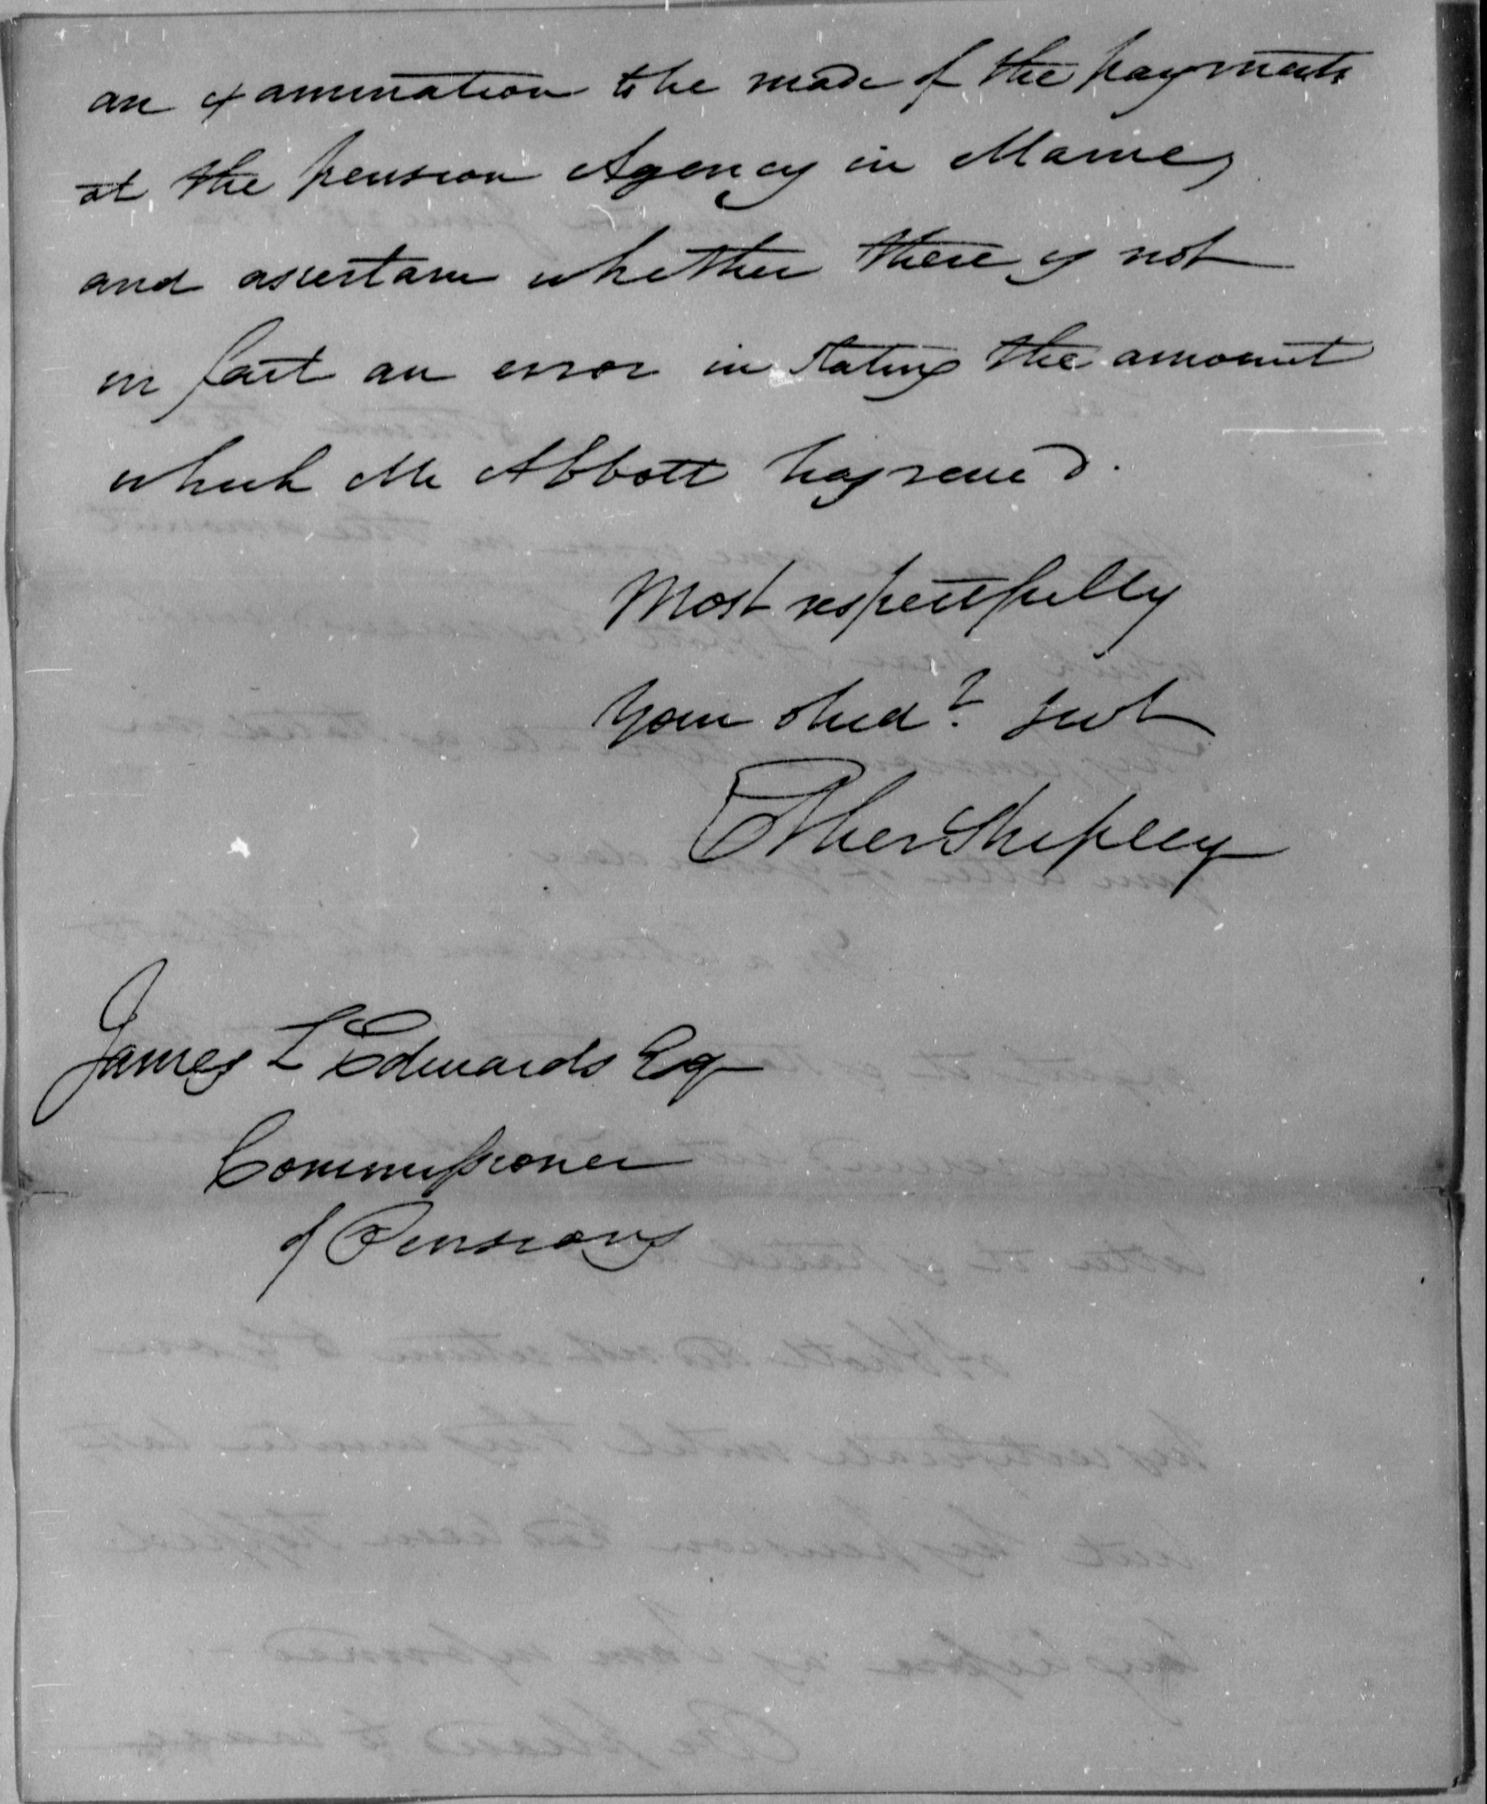...
an examination to the made of the payments at the Pension Agency in Maine, and ascertain whether there is not in fact an error in stating the amount which Mr. Abbott has received.

Most respectfully
Your obe'd sev't
[SIGNED: Esther Shepley]


James L. Edwards, Esq.
Commissioner
of Pensions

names: James L Edwards, Ether Shepley, Abbott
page: 61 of 86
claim: survivor's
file: S 29,568, Isaac Abbot, Mass